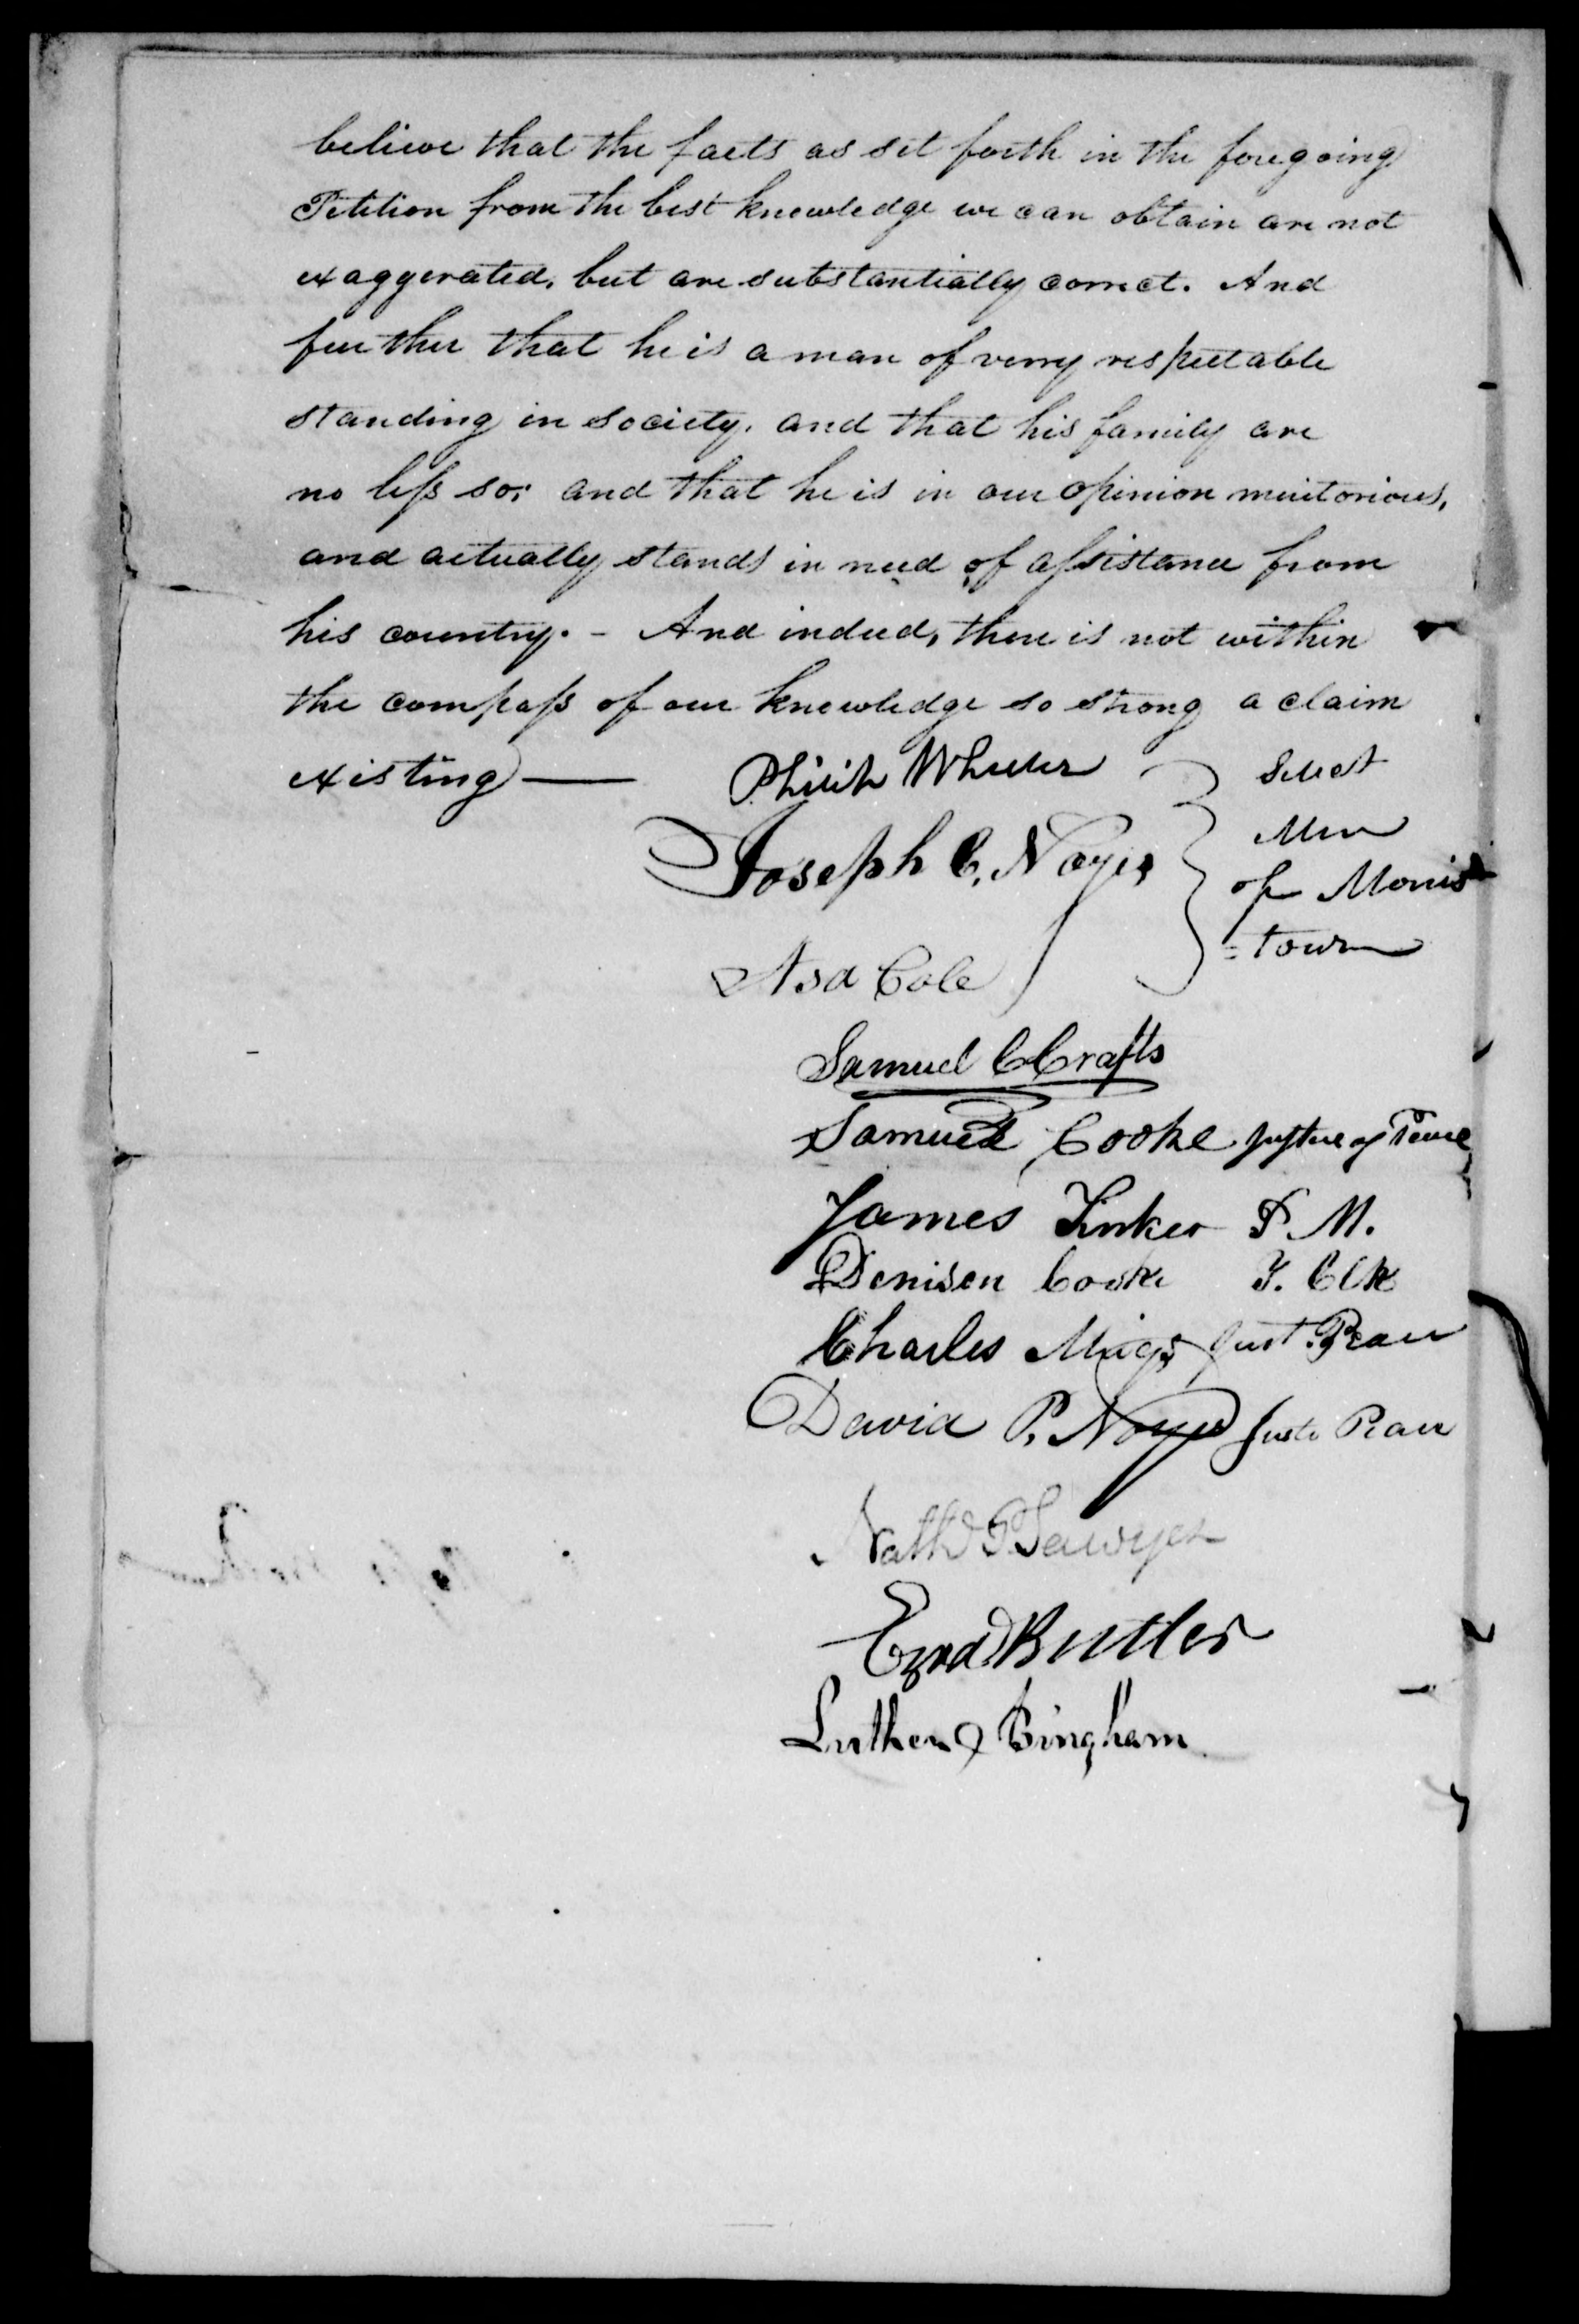believe that the facts as set forth in the foregoing Petition from the best knowledge we can obtain are not exaggerated, but are substantially correct. And further that he is a man of verry respectable standing in society, and that his family are no less so; and that he is in our opinion meritorious and actually stands in need of assistance from
his country.-- And indeed, there is not within
the compass of our knowledge so strong a claim existing-
Selectmen of Morristown;
Philip Wheeler
Joseph C. Noyes
Asa Cole.
Samuel C Crafts
Samuel Cooke Justice of Peace
James Tinker P.M.
Denison Cooke T. Clk
Charles Meigs Just Peace
David P. Noyes Just Peace
Nathl G Sawyer
Ezra Butler
Luther Bingham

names: Ezra Butler, Luther Bingham, Samuel C Crafts, Joseph C Noyes, Asa Cole, Denison Cooke, Samuel Cooke, David P Noyes, James Tinker, Nath P Sawyer, Philip Wheeler, Charles Meigs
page: 80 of 87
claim: widow's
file: W. 25,966, Moses Weld, Mass.